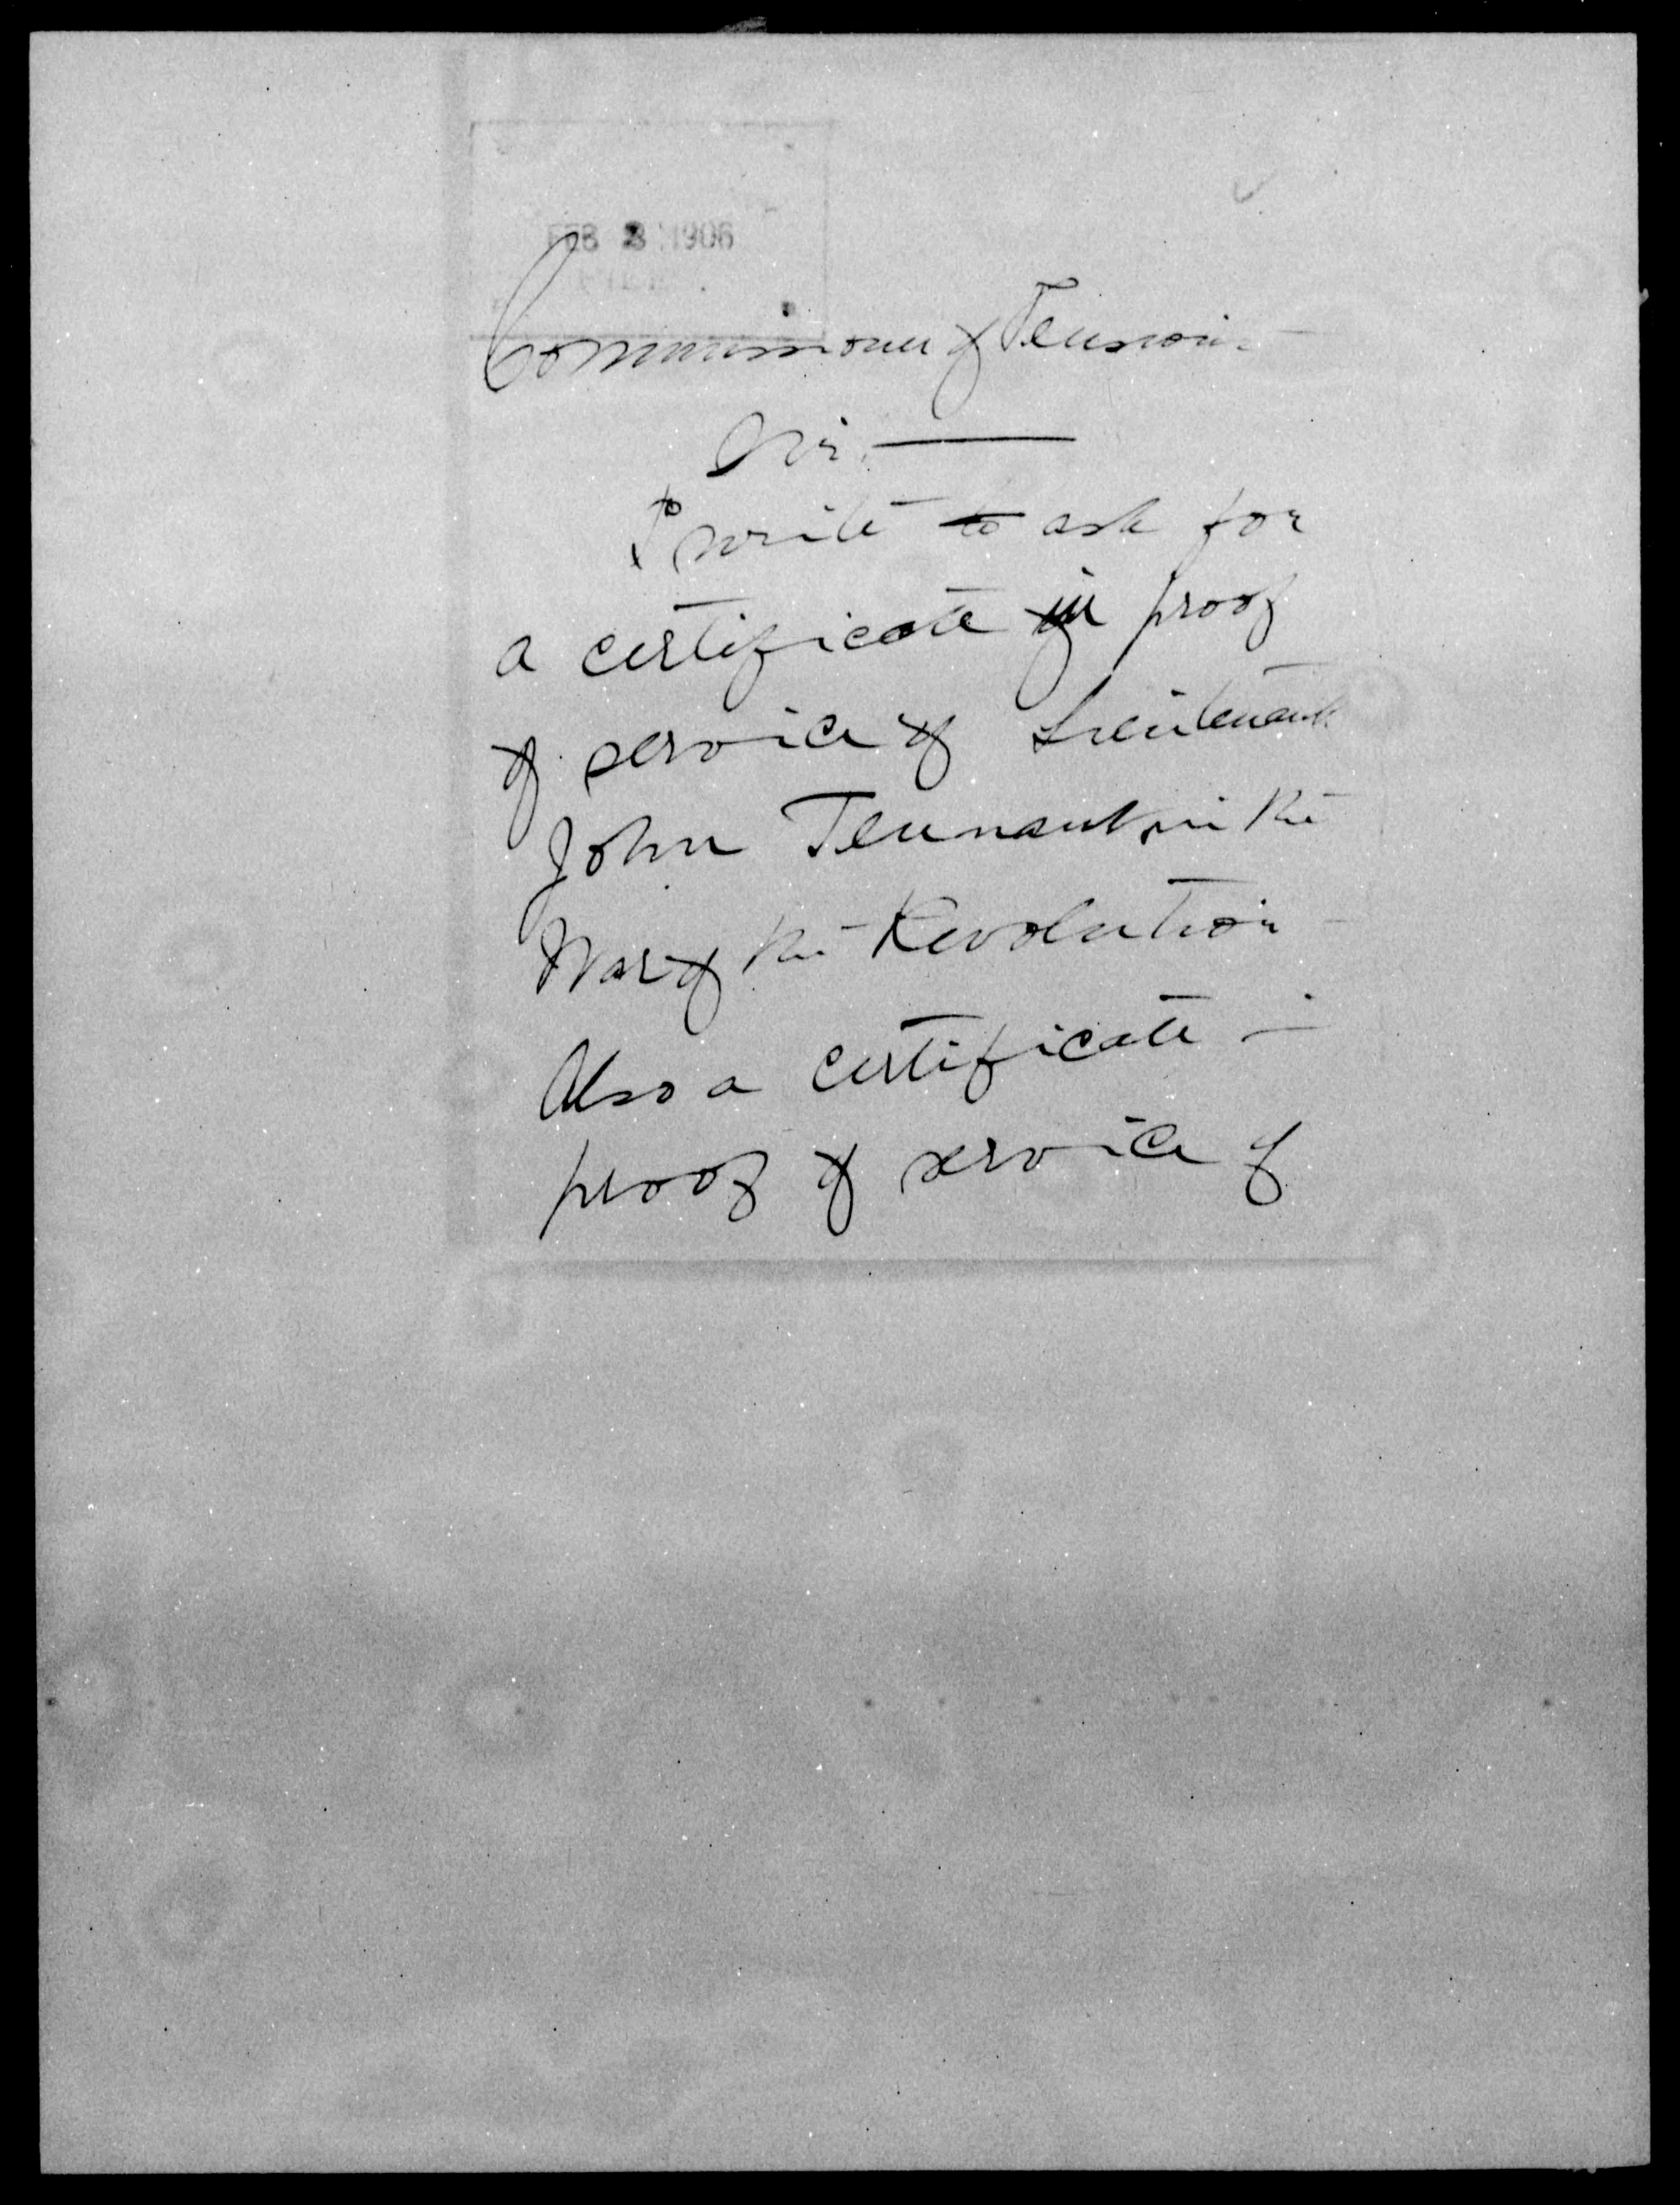Feb 3 1906
Commissioner of Pensions
Mr.-
I write to ask for
a certificate in proof
of service of Lieutenant
John Tennant in the
War of the Revolution
Also a certificate in
proof of service of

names: John Tennant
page: 18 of 20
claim: survivor's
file: S. 43891, for Daniel Ray, Connecticut